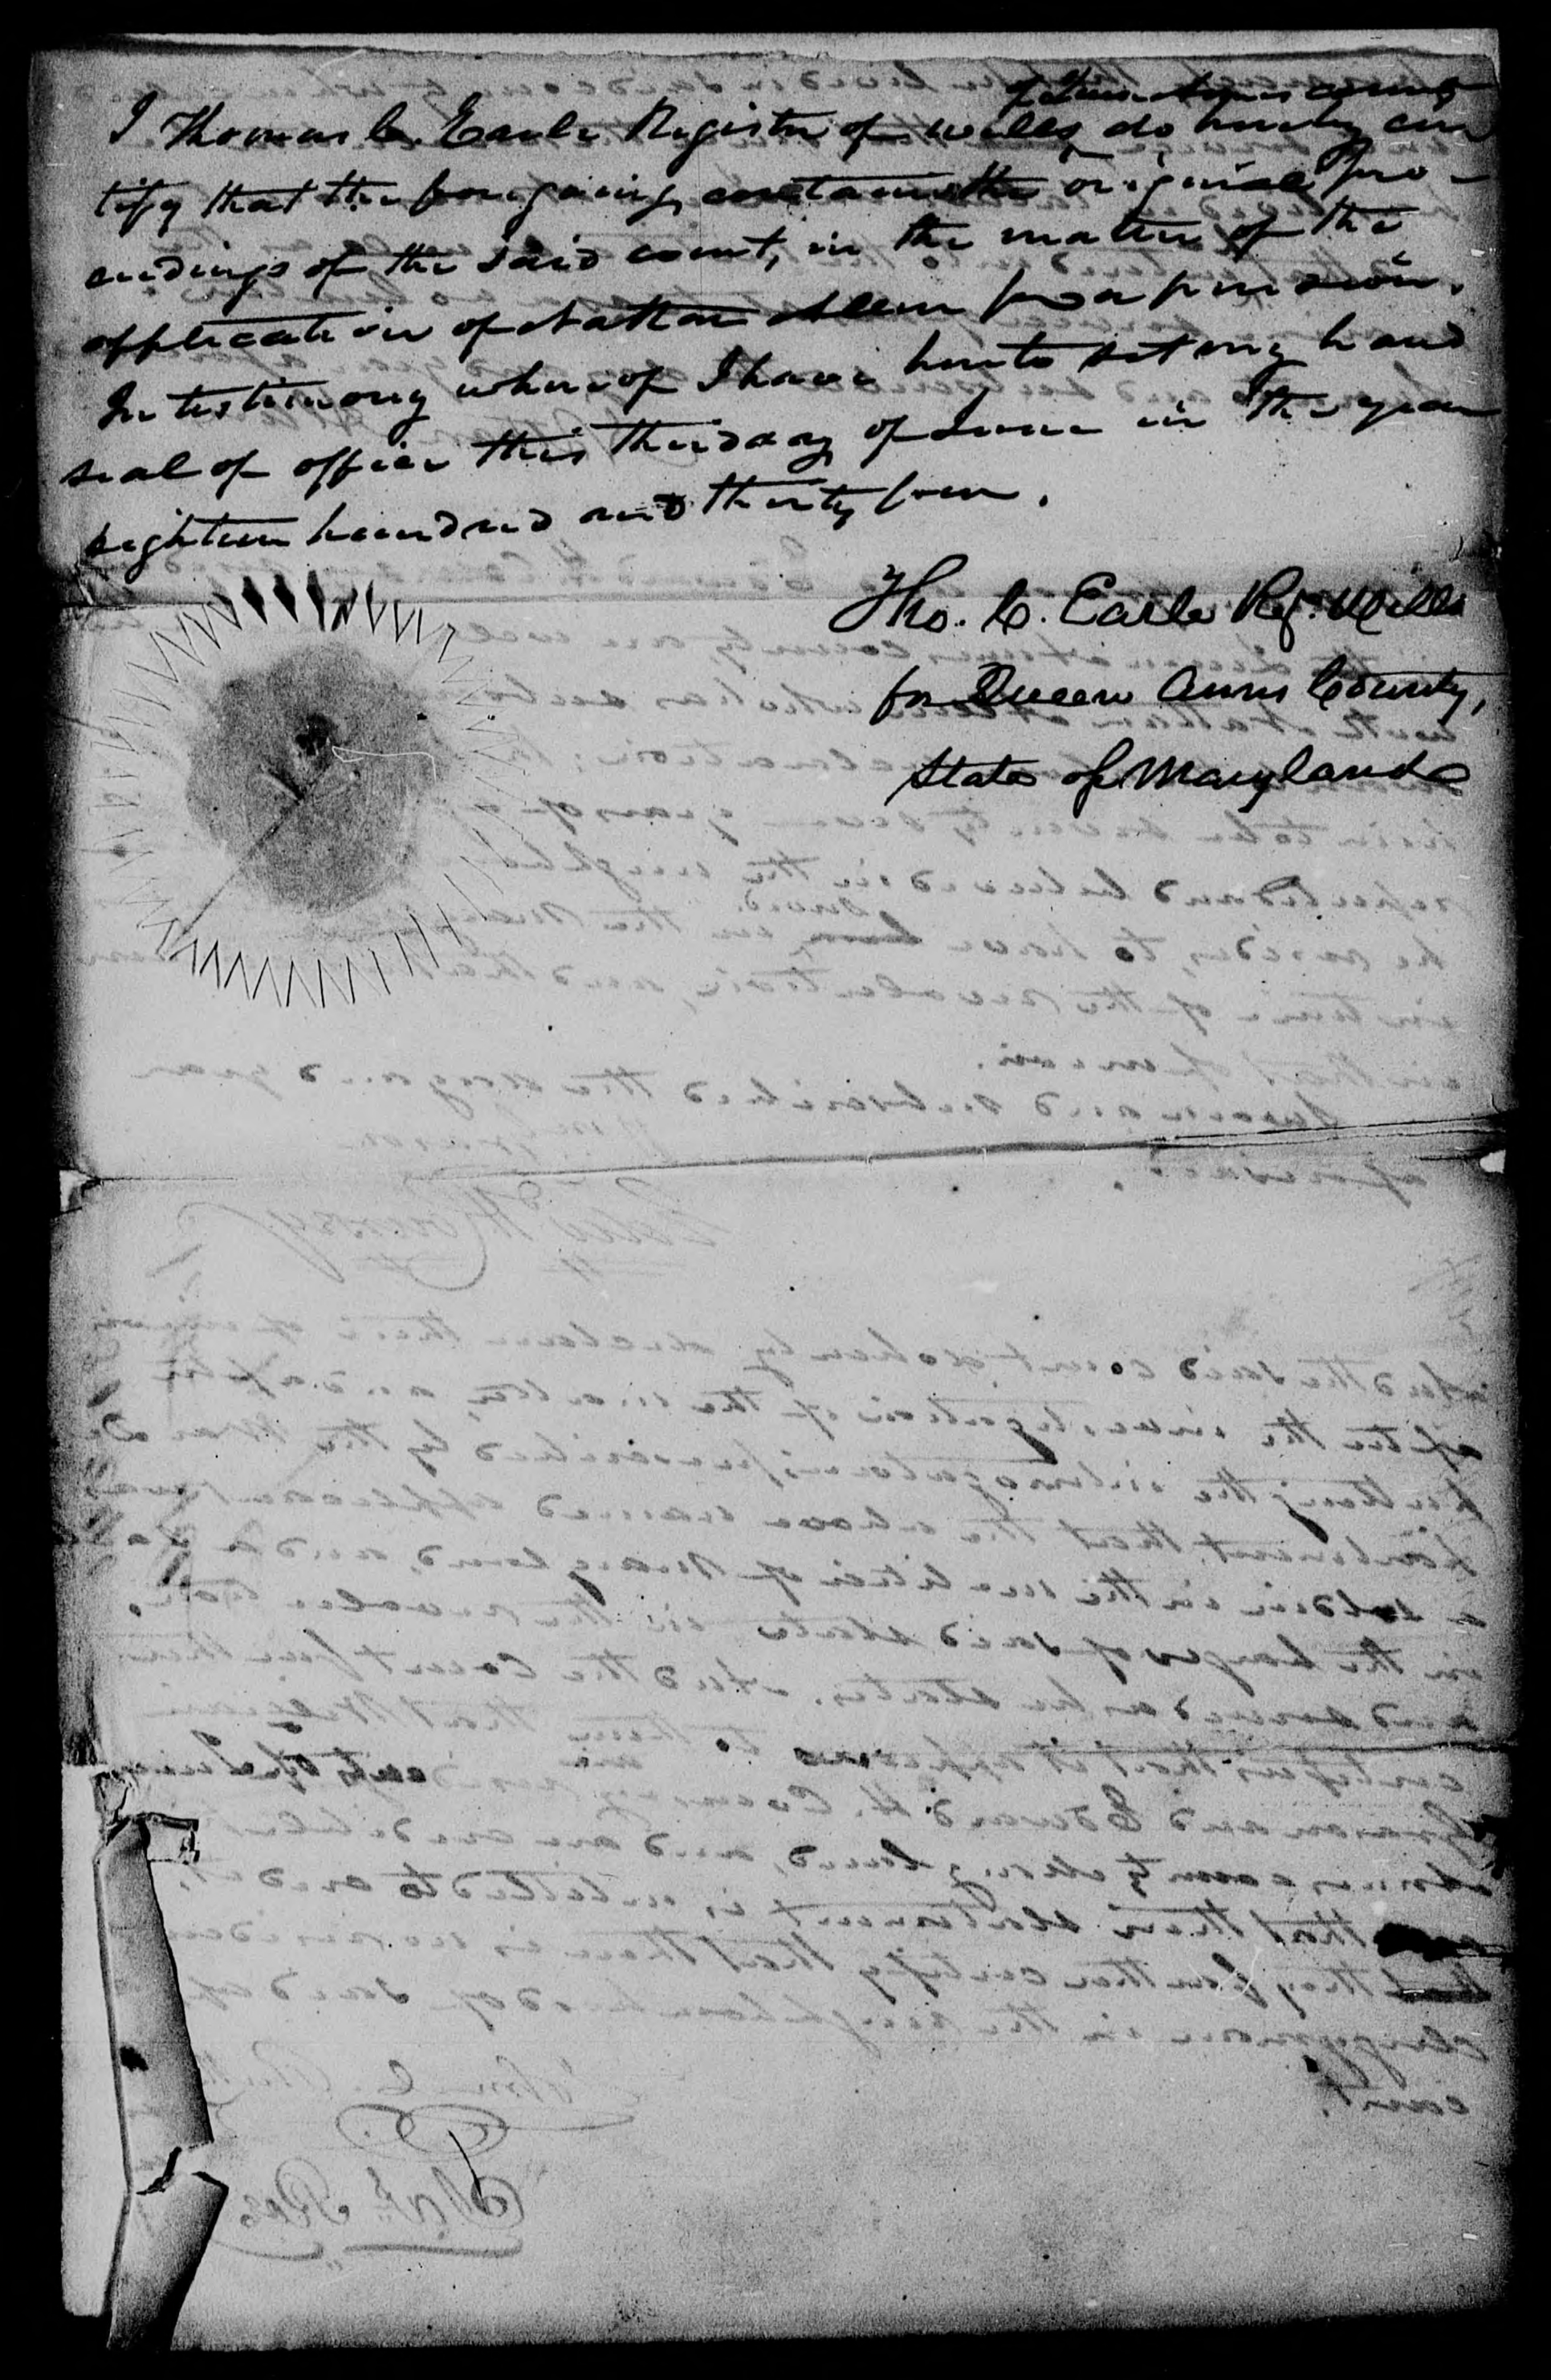I Thomas C Earle Register of Wills do hereby certify that the aforegoing contains the original proceedings of the said court in the matter of the application of Nathan Allen for a pension.

In testimony whereof I have hereto set my hand & seal of office this third day of June in the year eighteen hundred and thirty-four.

Tho C Earle - Reg of Wills
for Queen Annes County
State of Maryland

SEAL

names: Thomas C Earle, Court, Tho C Earle, Nathan Allen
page: 4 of 14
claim: survivor's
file: S. 8,011, Nathan Allen, Md. And Sea Service